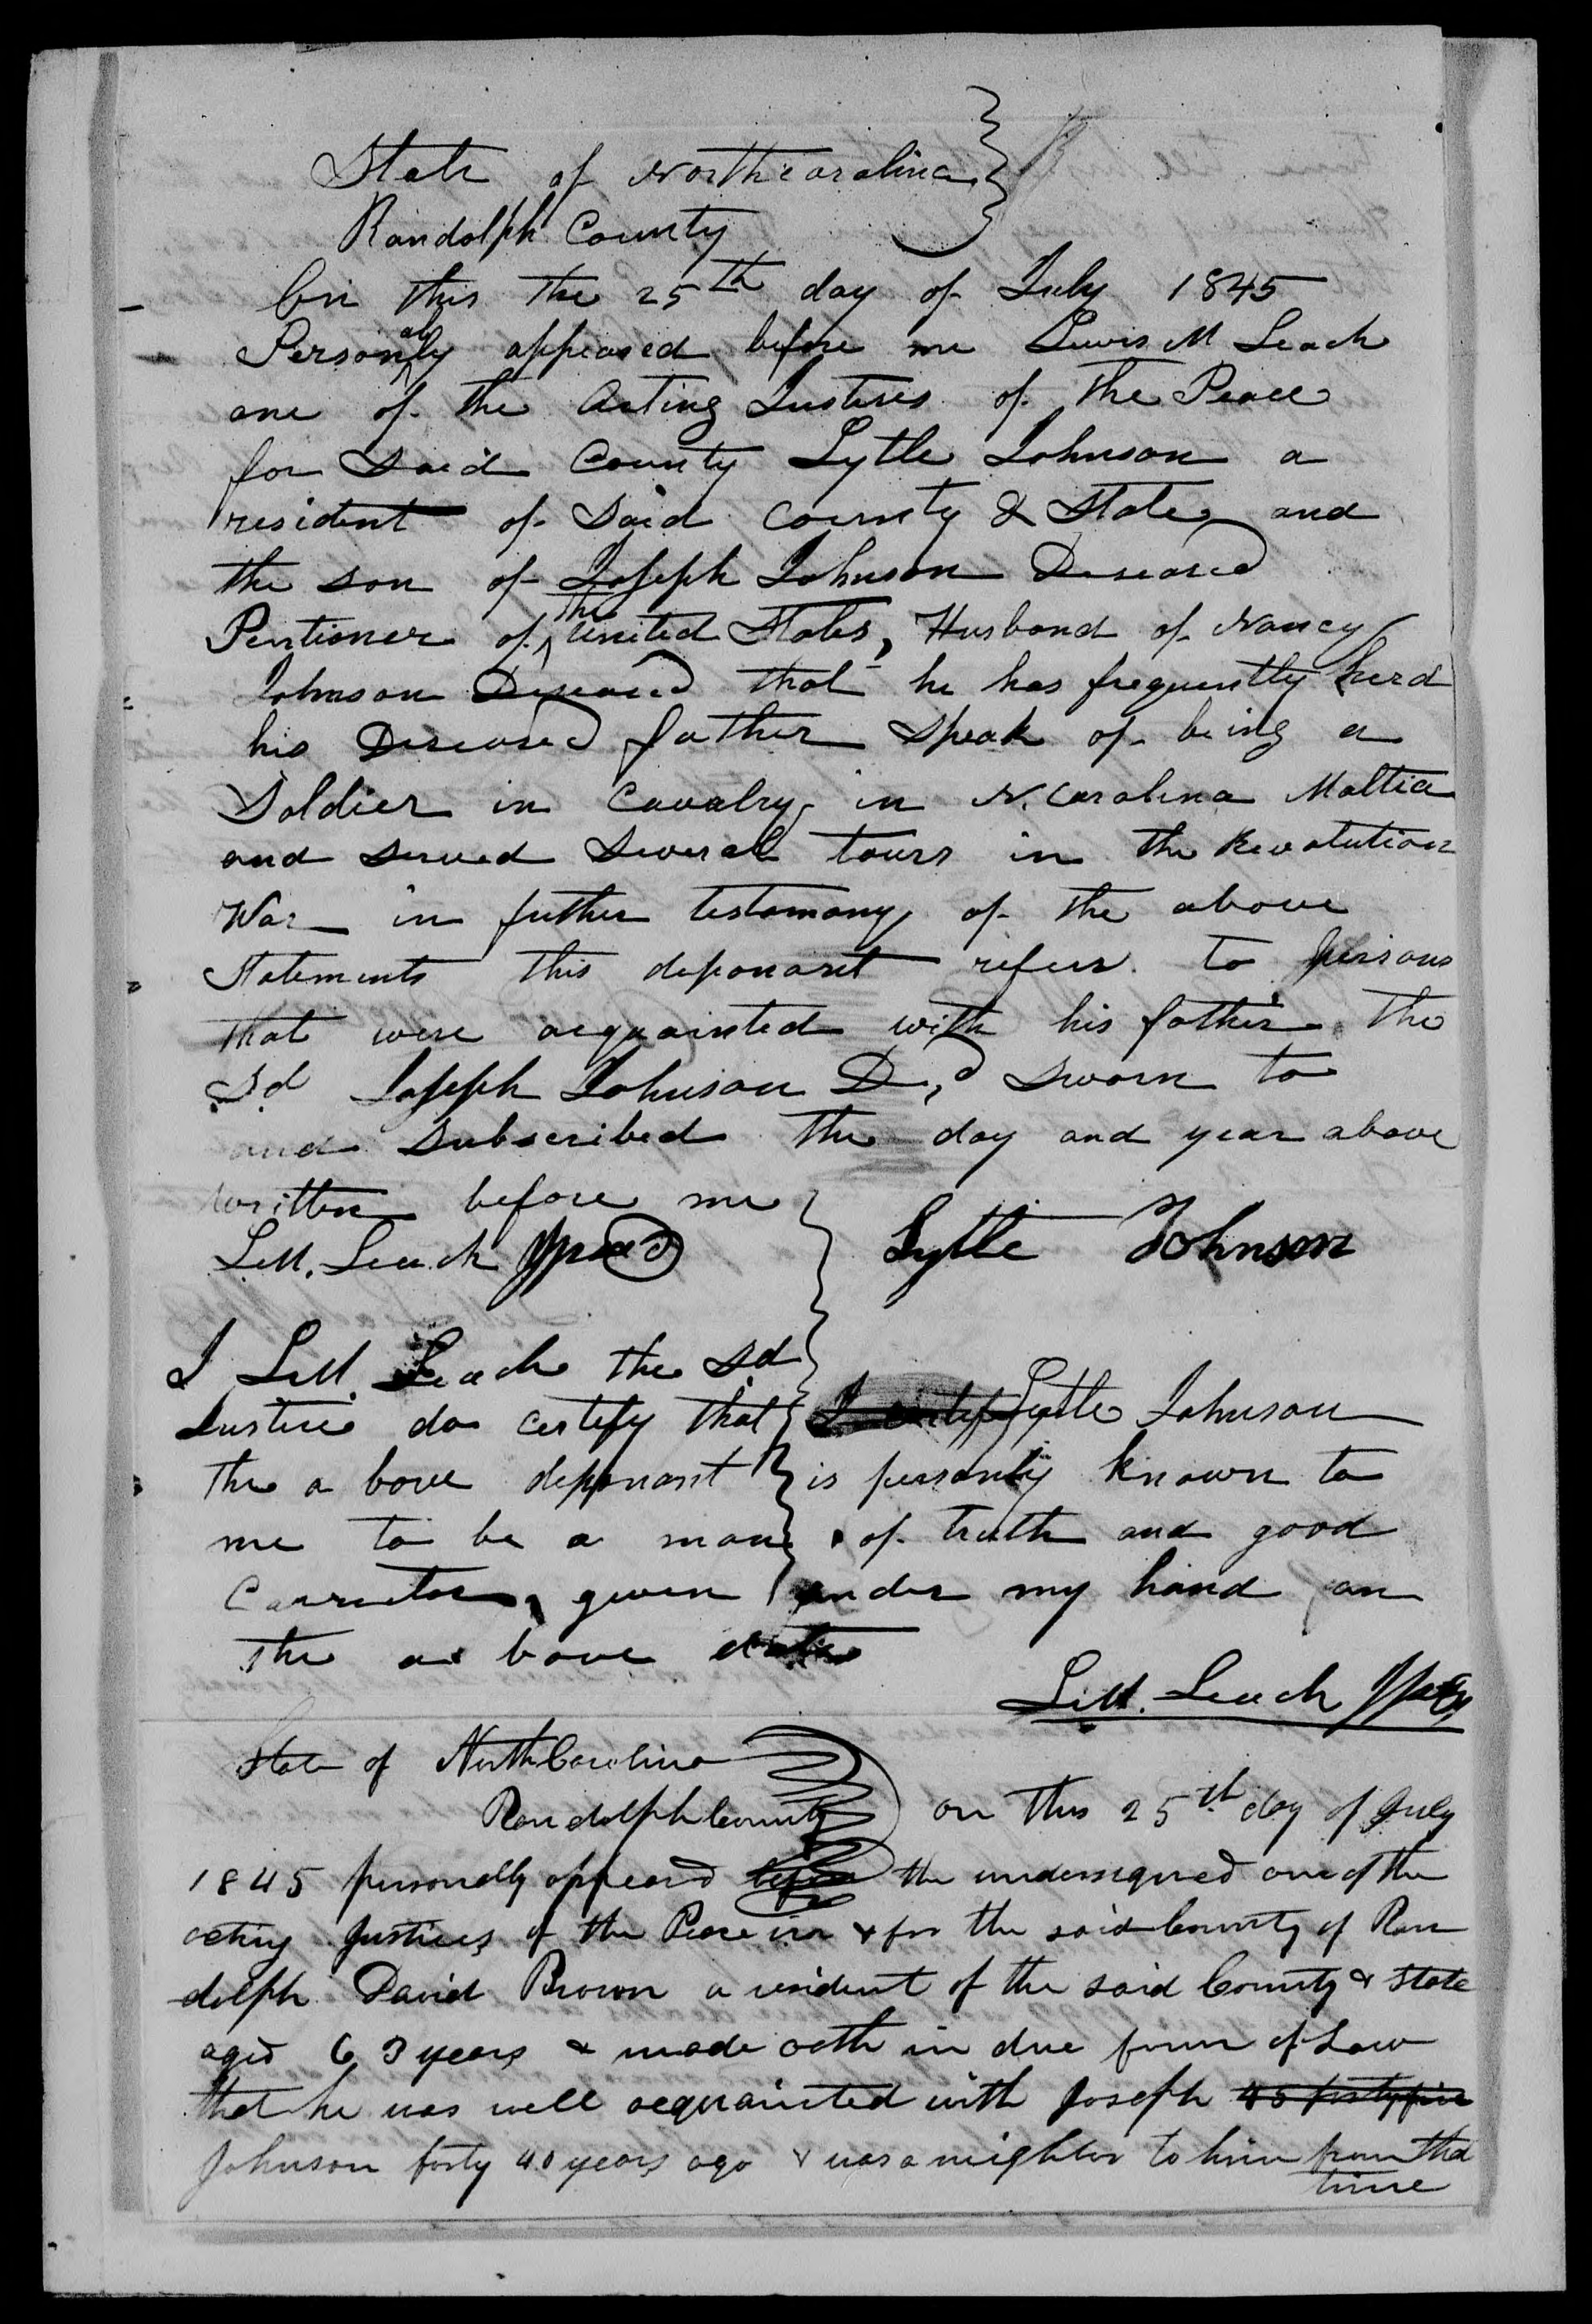State of North Carolina}
Randolph County} SS 
On this the 25th day of July 1845 Personally appeared before me Lewis M Leach one of the acting Justices of the Peace for said County Lytle Johnson a resident of said County & State and the son of Joseph Johnson Deceased Pentioner [pensioner] of the United States, Husband of Nancy Johnson Deceased that he has frequently herd [heard] Deceased father speak of being a Soldier in Cavalry in N. Carolina Maltia [militia] and served several tours in the Revolution War - in further testamony [testimony] of the above Statements this deponant [deponent] refers to Johnsons that were acquainted with his father, the Sol Joseph Johnson d,cd [deceased] Sworn to and Subscribed the day and year above written before me}
Lew Leach J Peace} [signed] Lytle Johnson 

I Lew Leach the sd [said] Justice do certify that Lytle Johnson the above deponent is personly [personally] known to me to be a man of truth and good Carretor [character] given under my hand and the above oat
Lew Leach J Peace

State of North Carolina} 
Randolph County} on this 25th day of July 1845 personally appeared by the undersigned one of the acting Justices of the Peace in & for the said County of Randolph David Brown a resident of the said County & State aged 63 years & made oath in due form of Law that he was well acquainted with Joseph Johnson forty 40 years ago & was a nighbor [neighbor] to him from that time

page: 37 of 41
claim: widow's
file: W. 5033, for Joseph Johnston, North Carolina